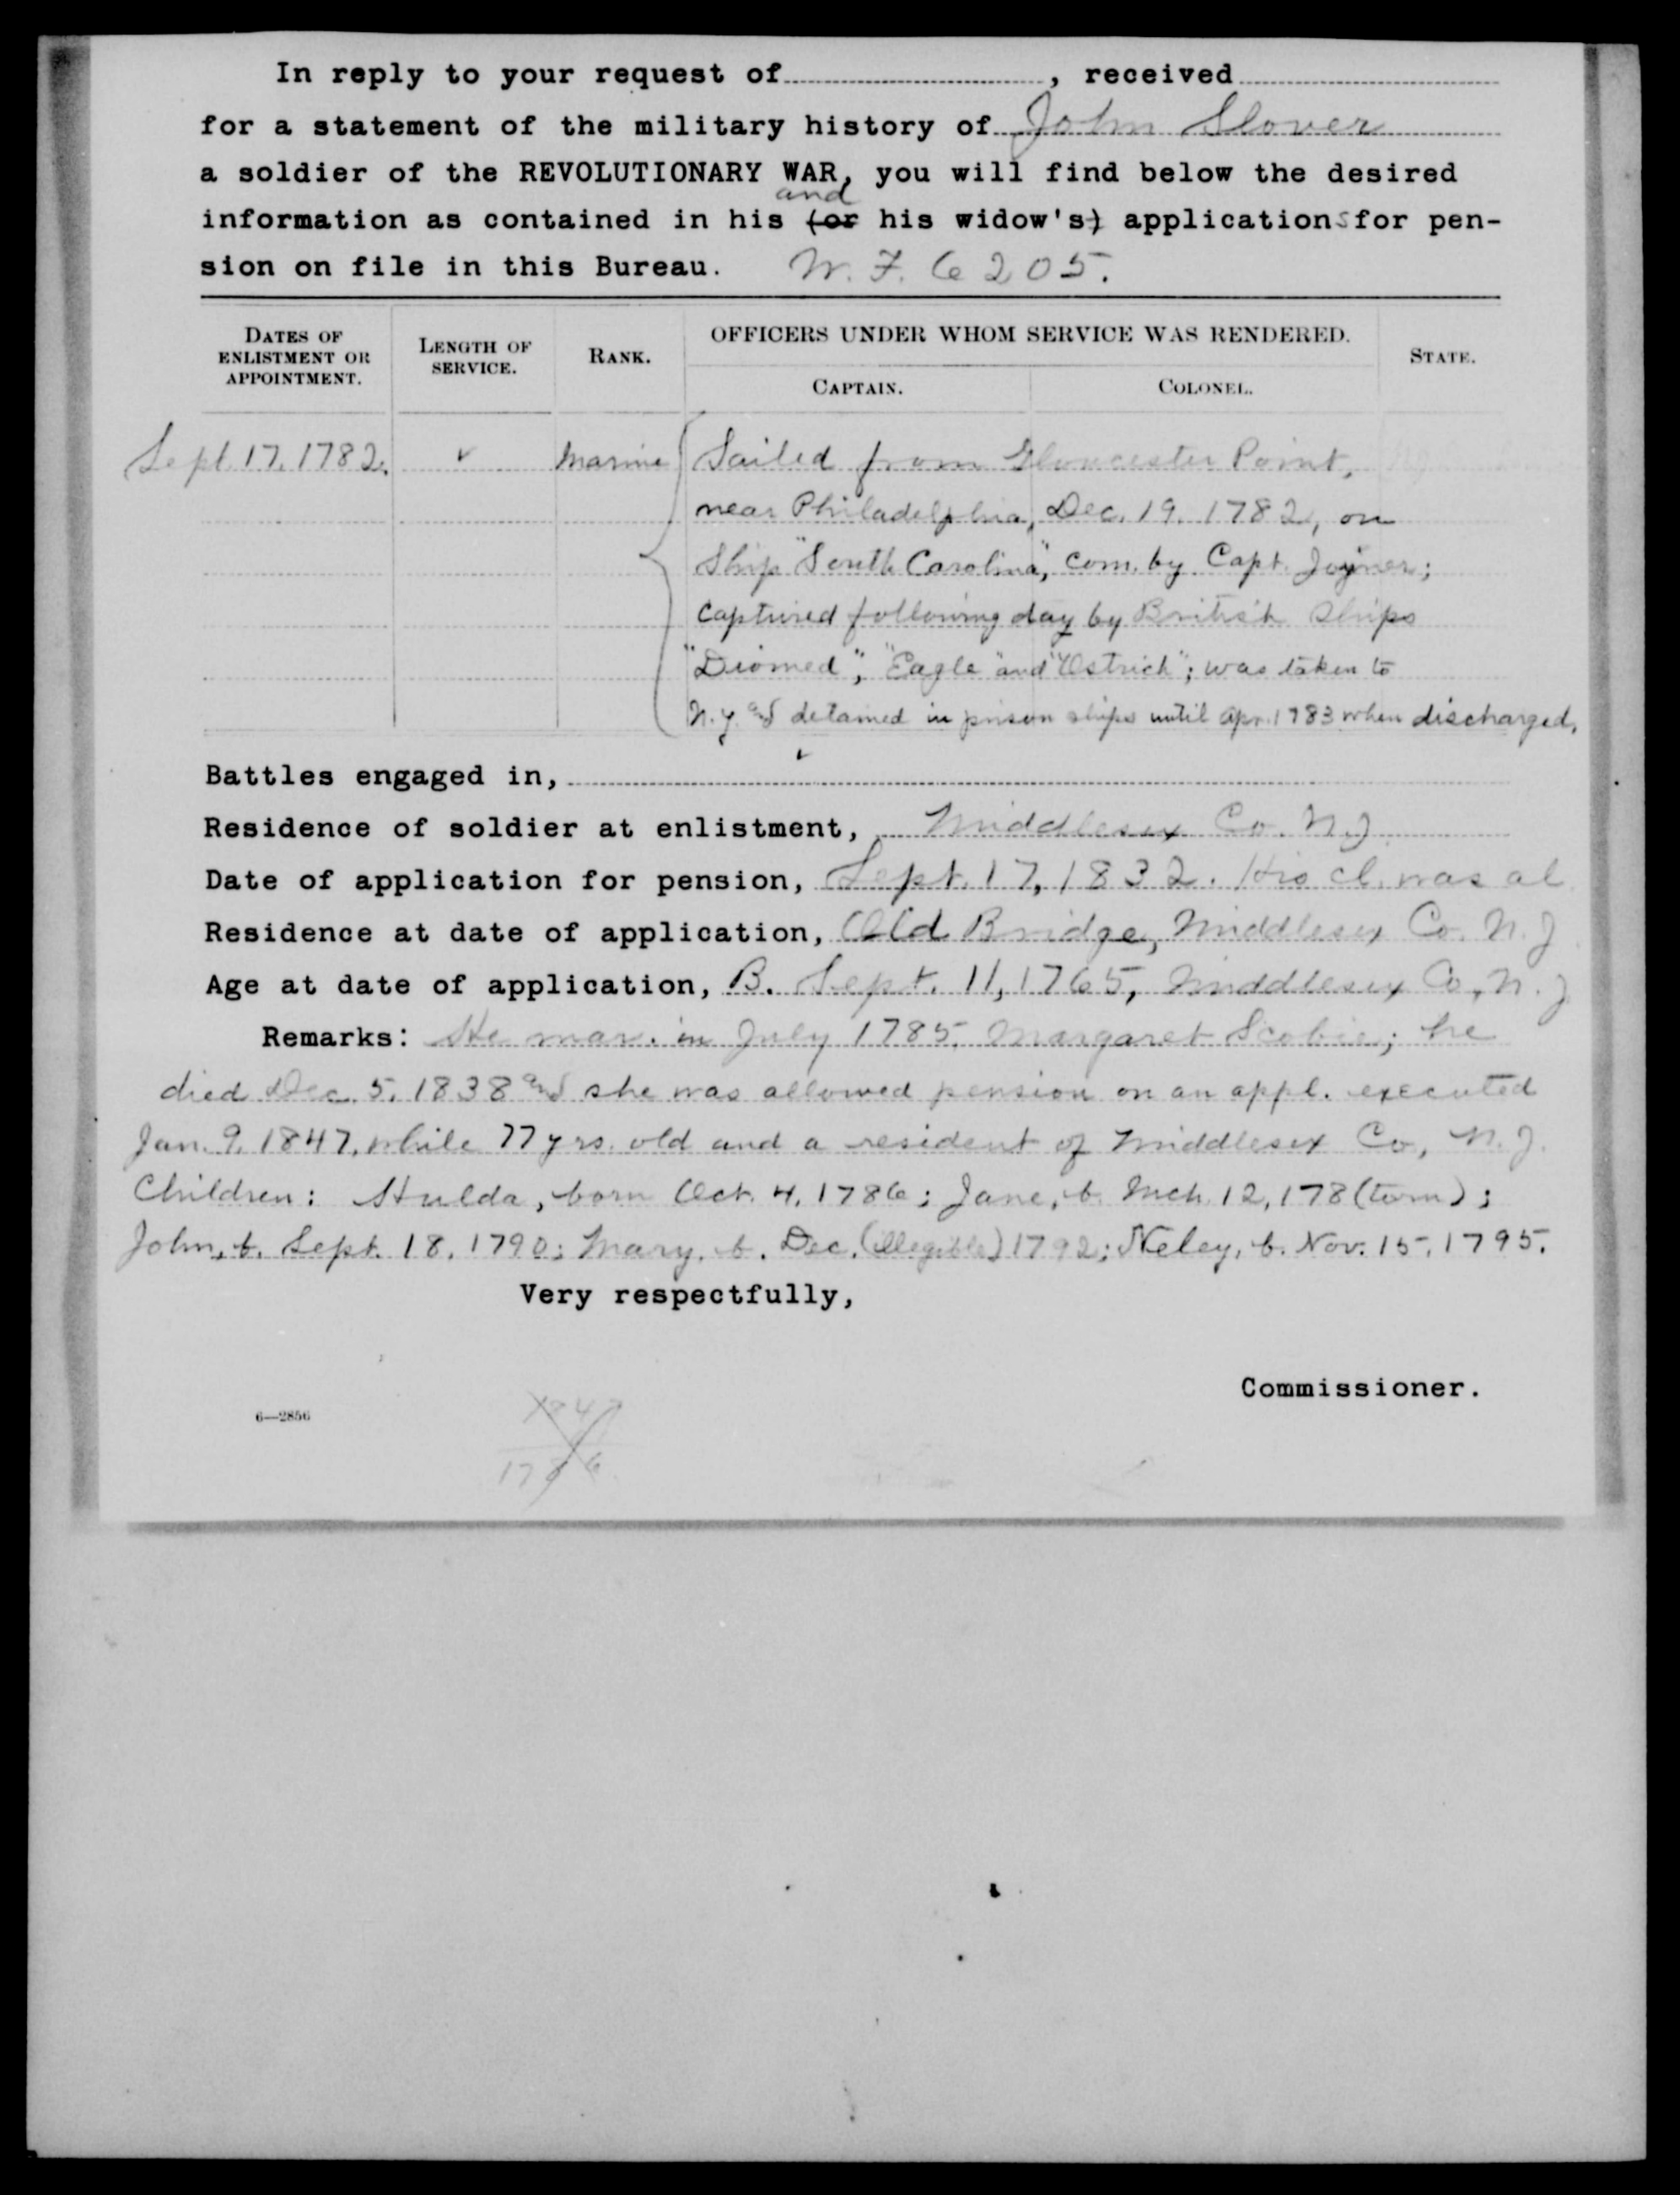[crossed out: RECORD DIVISION. | 3-525
Bureau of Pensions.
Washington, D.C., (blank) 19 (blank)]

In reply to your request of (blank), received (blank) for a statement of the military history of John Slover, a soldier of the REVOLUTIONARY WAR, you will find below the desired information as contained in his ([crossed out: or] and his widow's) application for pension on file in this Bureau. W.F.6205.

DATES OF ENLISTMENT OR APPOINTMENT. | LENGTH OF SERVICE. | RANK. | OFFICERS UNDER WHOM SERVICE WAS RENDERED. (CAPTAIN/COLONEL) | STATE.
Sep. 17, 1782 | (blank) | Marine. | Sailed from Gloucester Point near Philadelphia, Dec. 19. 1782 on ship "South Carolina" com(manded) by Capt Joyner. Captured following day by British ships "Diomed", "Eagle" and "Ostrich". Was taken to N.Y. and detained in prison ships until Apr. 1783 when discharged. | (blank) | N.J.
Battles engaged in, (blank)
Residence of soldier at enlistment, Middlesex Co., N.J.
Date of application for pension, Sep. 17, 1832. His cl(aim) was al(lowed).
Residence at date of application, Old Bridge [Township], Middlesex Co., N.J.
Age at date of application, B(orn) Sep. 11, 1765, Middlesex Co., N.J.
Remarks: He mar(ried), in July 1785, Margaret Scobie. He died Dec. 5, 1838 and she was allowed pension on an appl(ication) executed Jan. 9, 1847, while 77 y(ea)rs old and a resident of Middlesex Co. N.J. Children: Hulda, born Oct. 4, 1786; Jane, b(orn) Mar. 12, 178(torn); John b(orn) Sep. 18, 1790; Mary. b(orn) Dec. (illegible) 1792, Neley, b(orn) Nov. 15, 1795.

Very respectfully,
Commissioner.

6-2865

[illegible]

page: 39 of 46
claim: widow's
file: W. 6205, for John Slover, New Jersey